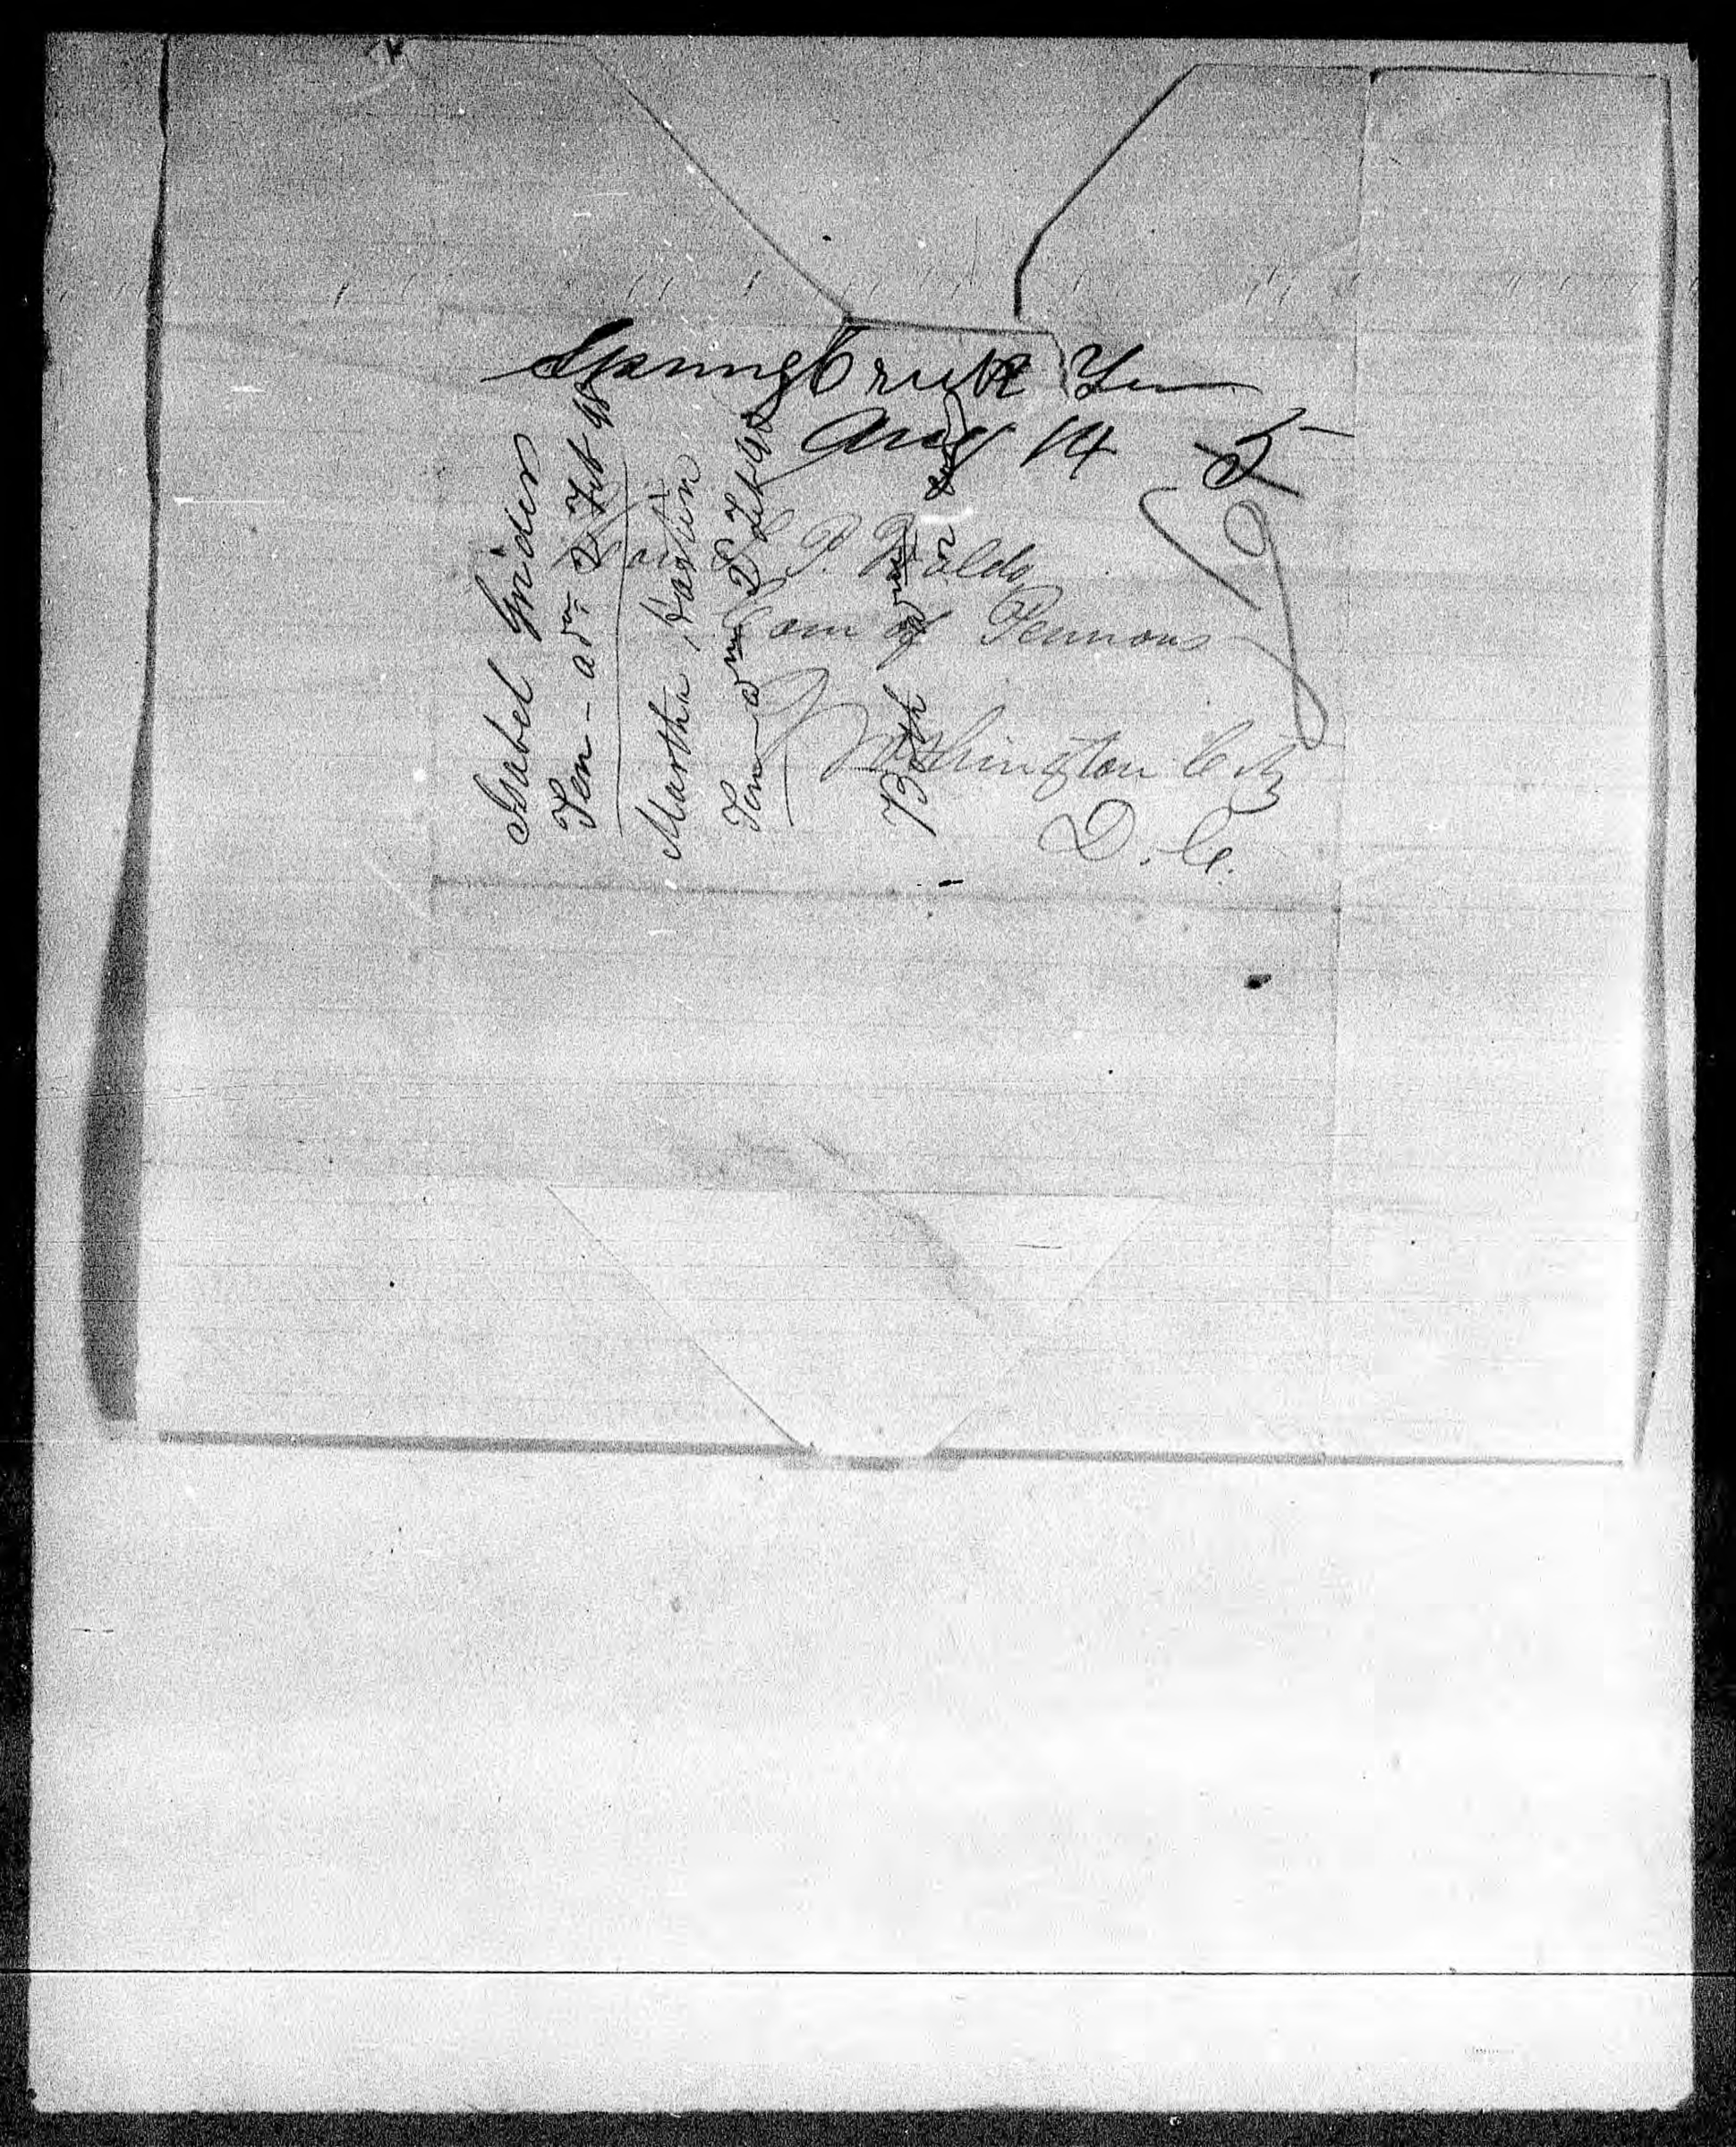[illegible]
Aug 14
Hon L. P. Waldo
Com of Pensions
Washington City
D.C.
Isabel Grider 
Ten  [illegible] 2 Feb 98
Martha Hasten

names: Isabel Grider, Martha Hasten, L P Waldo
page: 70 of 91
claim: widow's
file: W 358, John Grider, N.C.